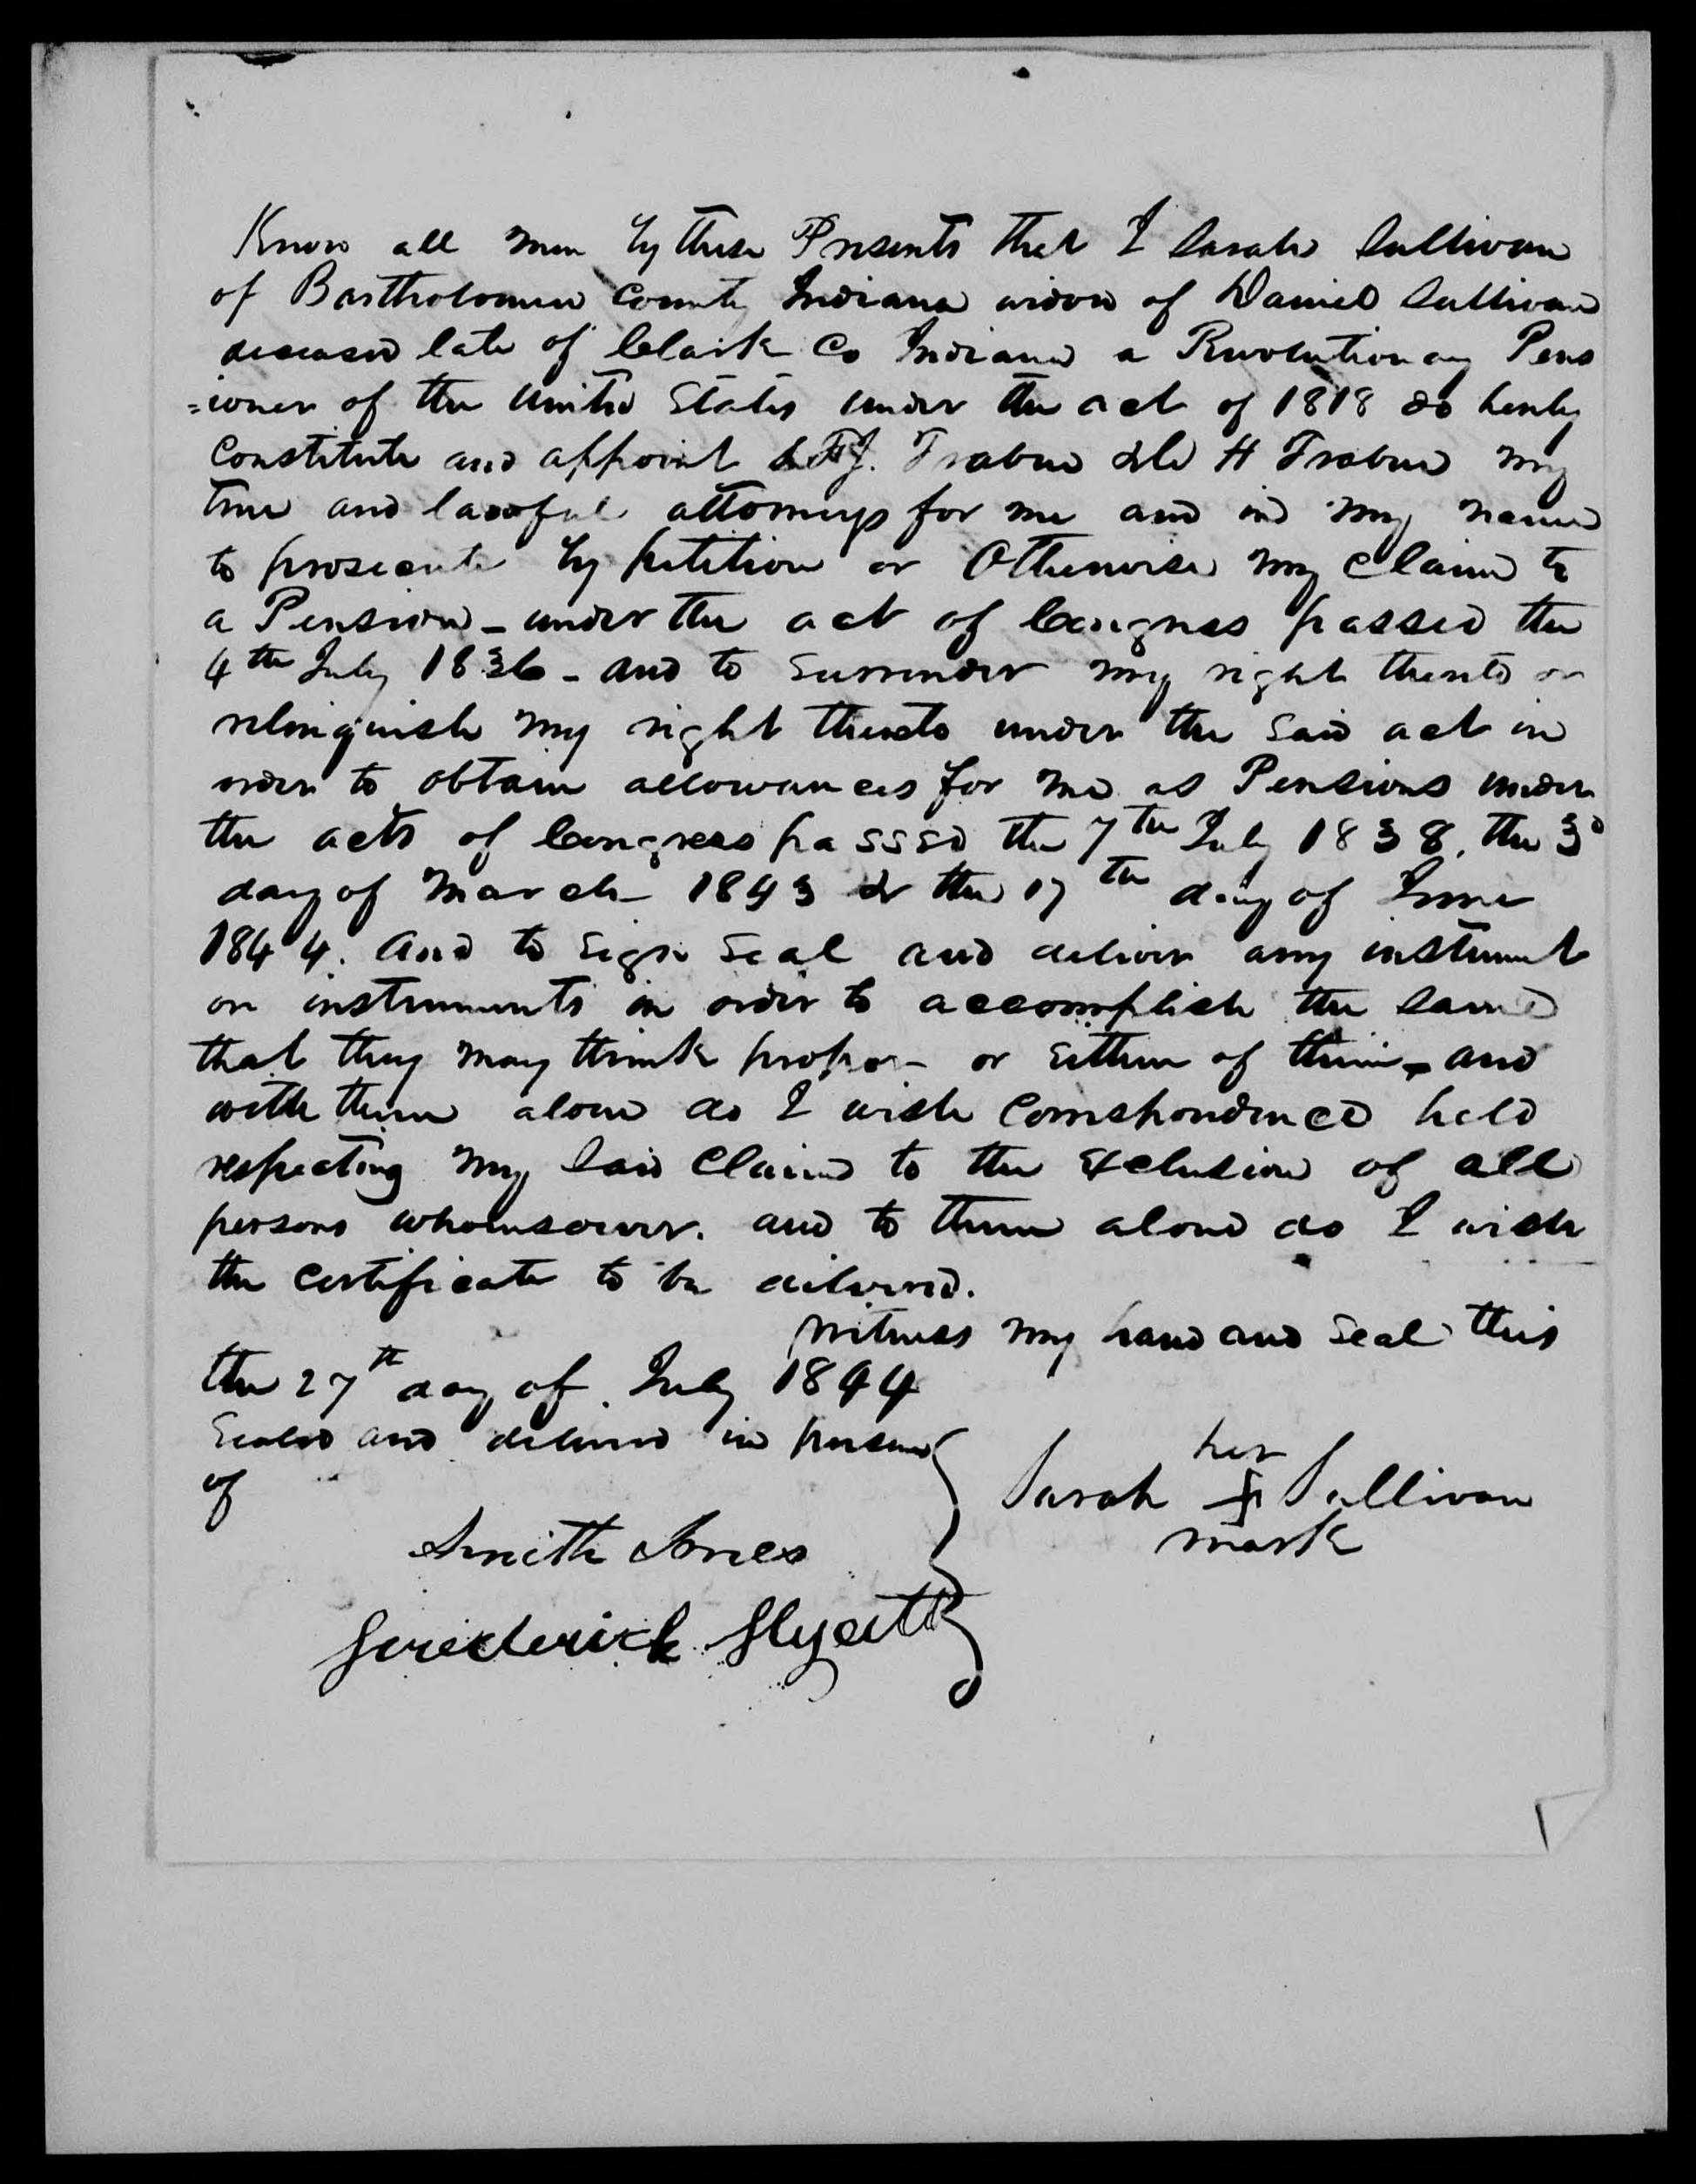Know all men by these Presents that I Sarah Sullivan of Bartholomew County Indiana widow of Daniel Sullivan deceased late of Clark Co Indiana a Revolutionary Pensioner of the Untied States under the act of 1818 do hereby constitute and appoint J. J. Trabue & W H Trabue my true and lawful attorneys for me and in my name to prosecute my petition or Authorise my claim to a Pension under the act of Congress passed the 4th July 1836 - and to surrender my right thereto or relinquish my right thereto under the said act in order to obtain allowances for me as Pensions under tha acts of Congress passed the 7th July 1838, the 3d day of March 1843 & the 17th day of June 1844. And to sign seal and deliver my instrument or instruments in order to accomplish the same that they may think proper or either of them and with them above do I wish Correspondence held respecting my said claim to the Exclusion of all persons whomsoever and to them alone do I wish the Certificate to be delivered.
[right] her
[right] Sarah   X   Sullivan [X being her mark in lieu of signature]
[right] mark

Witness my hand and seal this the 27th day of July 1844
Sealed and delivered in person of
[signed] Smith Jones
[signed] Fredreick Flyett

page: 22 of 78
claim: widow's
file: W. 25,169, for Daniel Sullivan, Maryland